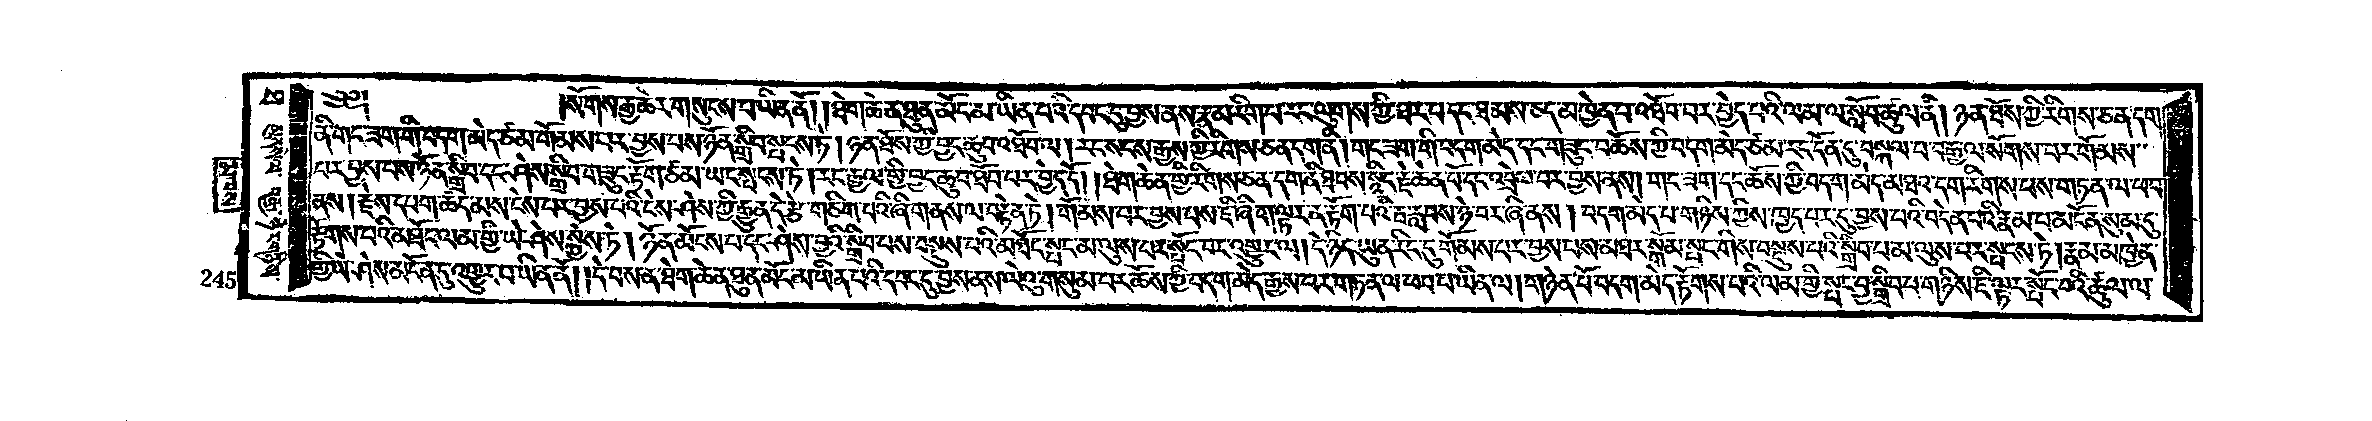༄༅། །སོགས་རྒྱ་ཆེར་གསུངས་པ་ཡིན་ནོ། །ཐེག་ཆེན་ཐུན་མོང་མ་ཡིན་པའི་དབང་དུ་བྱས་ནས་རྣམ་རིག་པ་རང་ལུགས་ཀྱི་ཐར་པ་དང་ཐམས་ཅད་མཁྱེན་པ་འཐོབ་པར་བྱེད་པའི་ལམ་ལ་སློབ་ཚུལ་ནི། ཉན་ཐོས་ཀྱི་རིགས་ཅན་དག་
ནི་གང་ཟག་གི་བདག་མེད་ཙམ་གོམས་པར་བྱས་པས་ཉོན་སྒྲིབ་སྤངས་ཏེ། ཉན་ཐོས་ཀྱི་བྱང་ཆུབ་འཐོབ་ལ། རང་སངས་རྒྱས་ཀྱི་རིགས་ཅན་དག་ནི། གང་ཟག་གི་བདག་མེད་དང་གཟུང་བ་ཆོས་ཀྱི་བདག་མེད་ཙམ་རང་དོན་དུ་བསྐལ་བ་བརྒྱ་ལ་སོགས་པར་གོམས་
པར་བྱས་པས་ཉོན་སྒྲིབ་དང་ཤེས་སྒྲིབ་གཟུང་རྟོག་ཙམ་ཡང་སྤངས་ཏེ། རང་རྒྱལ་གྱི་བྱང་ཆུབ་ཐོབ་པར་བྱེད་དོ། །ཐེག་ཆེན་གྱི་རིགས་ཅན་དག་ནི་ཐབས་སྙིང་རྗེ་ཆེན་པོ་དང་འབྲེལ་བར་བྱས་ནས། གང་ཟག་དང་ཆོས་ཀྱི་བདག་མེད་མཐའ་དག་རིགས་པས་གཏན་ལ་ཕབ་
ནས། རྗེས་དཔག་ཚད་མས་ངེས་པར་བྱས་པའི་ངེས་ཤེས་ཀྱི་རྒྱུན་དེ་རྩེ་གཅིག་པའི་ཞི་གནས་ལ་བརྟེན་ཏེ། གོམས་པར་བྱས་པས་ཇི་ཞིག་ལྟར་ན་རྟོག་པའི་རྦ་རླབས་ཉེ་བར་ཞི་ནས། བདག་མེད་པ་གཉིས་ཀྱིས་ཁྱད་པར་དུ་བྱས་པའི་བདེན་པའི་རྣམ་པ་མངོན་སུམ་དུ་
རྟོགས་པའི་མཐོང་ལམ་གྱི་ཡེ་ཤེས་སྐྱེས་ཏེ། ཉོན་མོངས་པ་དང་ཤེས་བྱའི་སྒྲིབ་པས་བསྡུས་པའི་མཐོང་སྤང་མ་ལུས་པར་སྤོང་བར་འགྱུར་ལ། དེ་ཉིད་ཡུན་རིང་དུ་གོམས་པར་བྱས་པས་མཐར་སྒོམ་སྤང་གིས་བསྡུས་པའི་སྒྲིབ་པ་མ་ལུས་པར་སྤངས་ཏེ། རྣམ་མཁྱེན་
གྱི་ཡེ་ཤེས་མངོན་དུ་འགྱུར་བ་ཡིན་ནོ། །དེ་བས་ན་ཐེག་ཆེན་ཐུན་མོང་མ་ཡིན་པའི་དབང་དུ་བྱས་ནས་ལེའུ་གསུམ་པར་ཆོས་ཀྱི་བདག་མེད་རྒྱས་པར་གཏན་ལ་ཕབ་པ་ཡིན་ལ། གཉེན་པོ་བདག་མེད་རྟོགས་པའི་ལམ་གྱི་སྤང་བྱ་སྒྲིབ་པ་གཉིས་ཇི་ལྟར་སྤོང་བའི་ཚུལ་ལ་